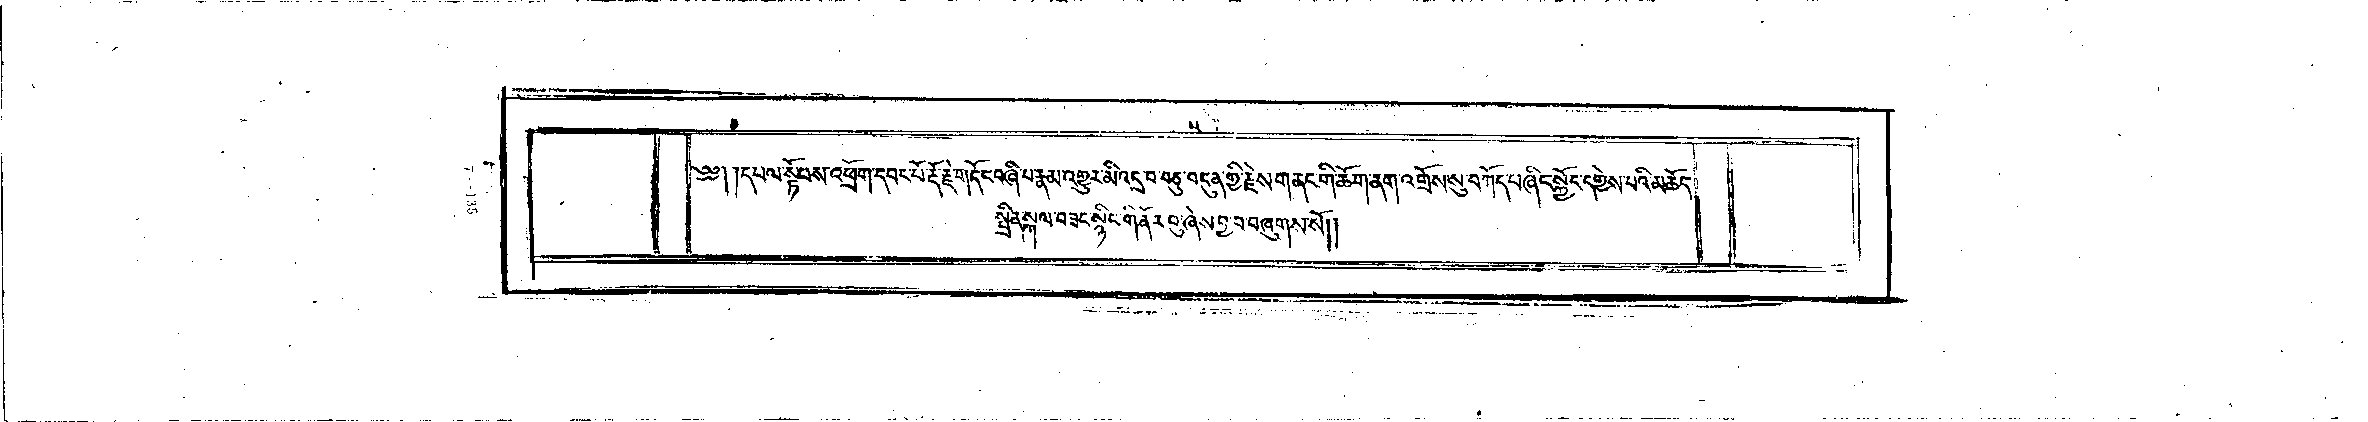༄༅། །དཔལ་སྟོབས་འཕྲོག་དབང་པོ་རྡོ་རྗེ་གདོང་བཞི་པ་རྣམ་འགྱུར་མི་འདྲ་པ་བཅུ་བདུན་གྱི་རྗེས་གནང་གི་ཆོ་ག་ནག་འགྲོས་སུ་བཀོད་པ་ཞིང་སྐྱོང་དགྱེས་པའི་མཆོད་
སྤྲིན་སྐལ་བཟང་སྙིང་གི་ནོར་བུ་ཞེས་བྱ་བ་བཞུགས་སོ། །